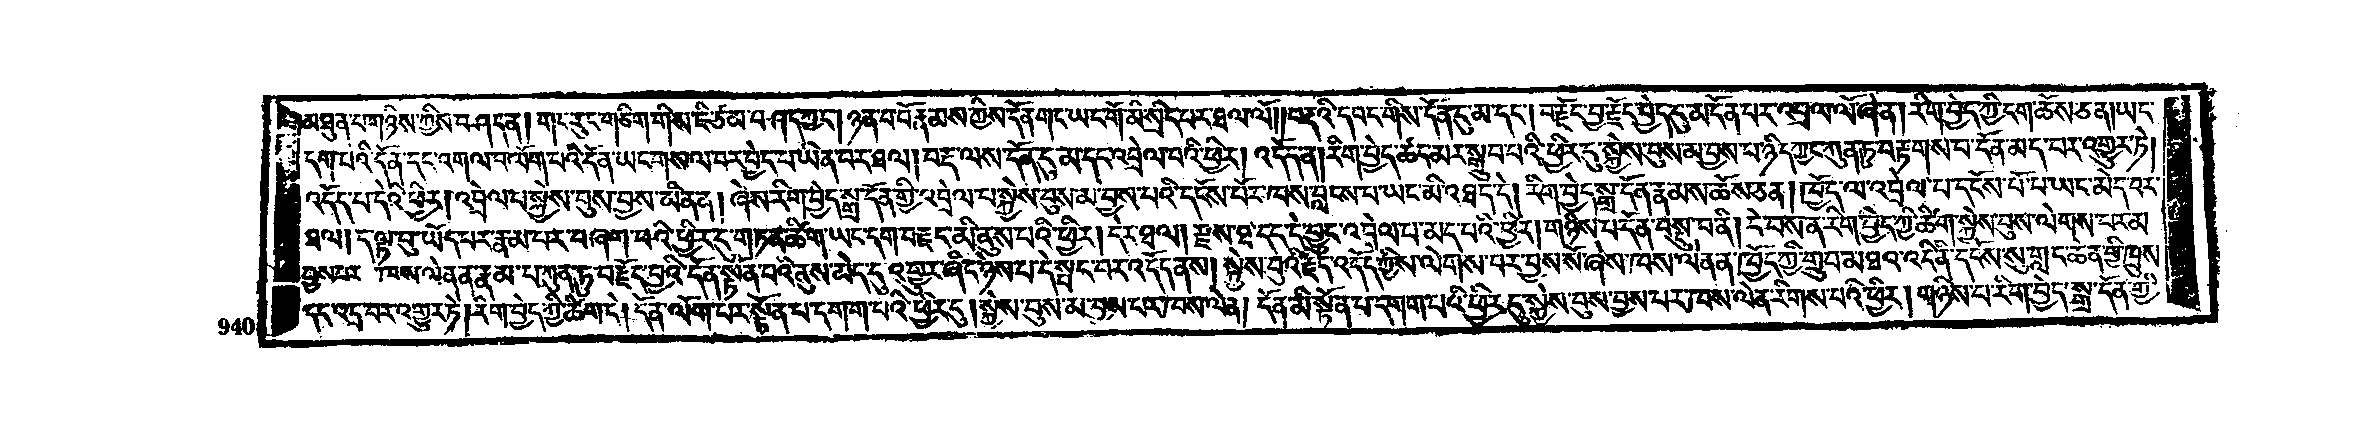མཐུན་པ་གཉིས་ཀྱིས་བཤད་ན། གང་རུང་གཅིག་གིས་ཇི་ཙམ་བཤད་ཀྱང་། ཉན་པ་པོ་རྣམས་ཀྱིས་དོན་གང་ཡང་གོ་མི་སྲིད་པར་ཐལ་ལོ། །བརྡའི་དབང་གིས་དོན་དུ་མ་དང་། བརྗོད་བྱ་རྗོད་བྱེད་དུ་མངོན་པར་འབྲལ་ལོ་ཞེ་ན། རིག་བྱེད་ཀྱི་ངག་ཆོས་ཅན། ཡང་
དག་པའི་དོན་དང་འགལ་བ་ལོག་པའི་དོན་ཡང་གསལ་བར་བྱེད་པ་ཡིན་པར་ཐལ། བརྡ་ལས་དོན་དུ་མ་དང་འབྲེལ་བའི་ཕྱིར། འདོད་ན། རིག་བྱེད་ཚད་མར་སྒྲུབ་པའི་ཕྱིར་དུ་སྐྱེས་བུས་མ་བྱས་པ་ཉིད་ཀྱང་ཀུན་ཏུ་བརྟགས་པ་དོན་མེད་པར་འགྱུར་ཏེ།
འདོད་པ་དེའི་ཕྱིར། འབྲེལ་བ་སྐྱེས་བུས་བྱས་མིན་ན། ཞེས་རིག་བྱེད་སྒྲ་དོན་གྱི་འབྲེལ་བ་སྐྱེས་བུས་མ་བྱས་པའི་དངོས་པོར་ཁས་བླངས་པ་ཡང་མི་འཐད་དེ། རིག་བྱེད་སྒྲ་དོན་རྣམས་ཆོས་ཅན། ཁྱོད་ལ་འབྲེལ་བ་དངོས་པོ་པ་ཡང་མེད་པར་
ཐལ། ད་ལྟ་བུ་ཡོད་པར་རྣམ་པར་བཞག་པའི་ཕྱིར་དུ་གཏན་ཚིག་ཡང་དག་བརྗོད་མི་ནུས་པའི་ཕྱིར། དེར་ཐལ། རྫས་ཐ་དད་དེ་བྱུང་འབྲེལ་བ་མེད་པའི་ཕྱིར། གཉིས་པ་དོན་བསྡུ་བ་ནི། དེ་བས་ན་རིག་བྱེད་ཀྱི་ཚིག་སྐྱེས་བུས་ལེགས་པར་མ་
བྱས་པར་ཁས་ལེན་ན་རྣམ་པ་ཀུན་ཏུ་བརྗོད་བྱའི་དོན་སྟོན་པའི་ནུས་མེད་དུ་འགྱུར་ཞིང་ཉེས་པ་དེ་སྤང་བར་འདོད་ནས། སྐྱེས་བུའི་རྗོད་འདོད་ཀྱིས་ལེགས་པར་བྱས་སོ་ཞེས་ཁས་ལེན་ན་ཁྱོད་ཀྱི་གྲུབ་མཐའ་འདི་ནི་དངོས་སུ་གླང་ཆེན་གྱི་ཁྲུས་
དང་འདྲ་བར་འགྱུར་ཏེ། རིག་བྱེད་ཀྱི་ཚིག་དེ། དོན་ལོག་པར་སྟོན་པ་དགག་པའི་ཕྱིར་དུ། སྐྱེས་བུས་མ་བྱས་པར་ཁས་ལེན། དོན་མི་སྟོན་པ་དགག་པའི་ཕྱིར་དུ་སྐྱེས་བུས་བྱས་པར་ཁས་ལེན་རིགས་པའི་ཕྱིར། གཉིས་པ་རིག་བྱེད་སྒྲ་དོན་གྱི་